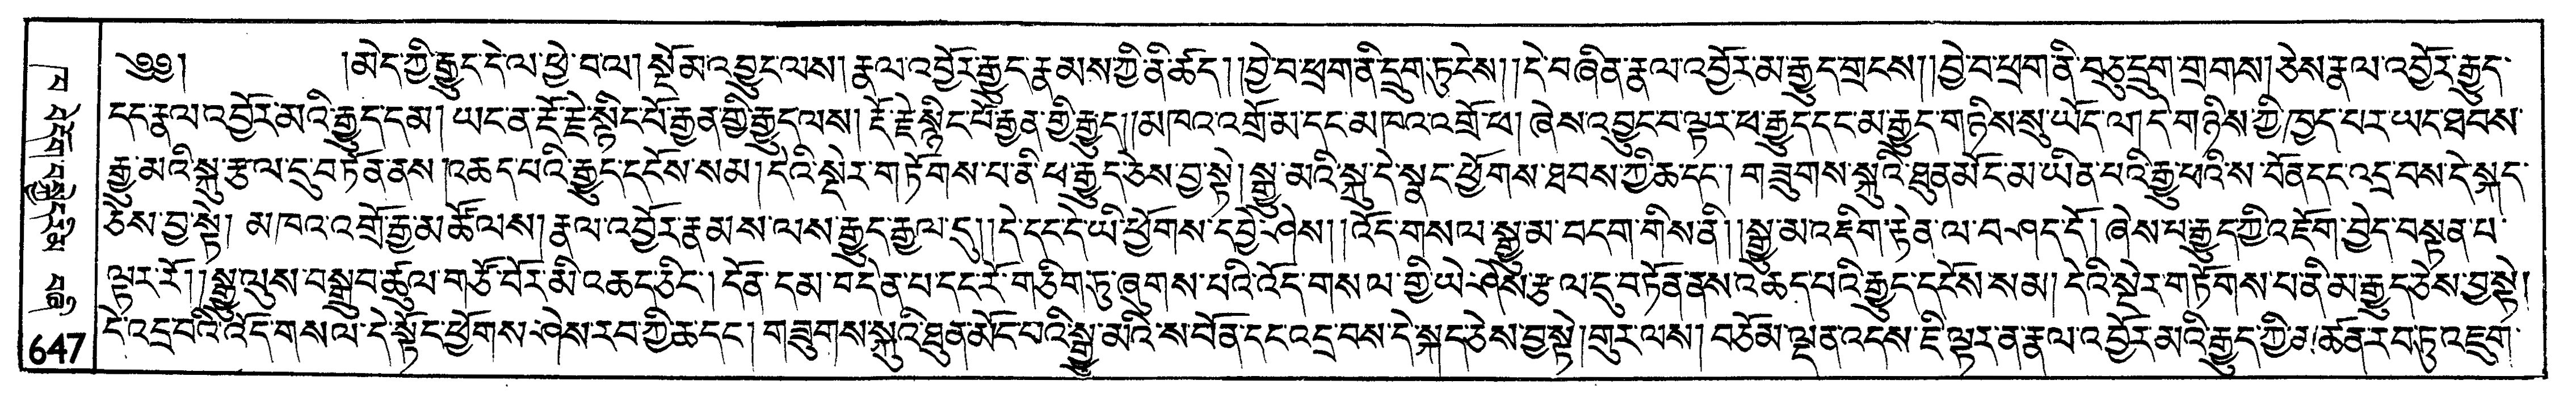༄༅། །མེད་ཀྱི་རྒྱུད་དེ་ལ་ཕྱེ་བ་ལ། སྡོམ་འབྱུང་ལས། རྣལ་འབྱོར་རྒྱུད་རྣམས་ཀྱི་ནི་ཚད། །བྱེ་བ་ཕྲག་ནི་དྲུག་ཏུ་ངེས། །དེ་བཞིན་རྣལ་འབྱོར་མ་རྒྱུད་གྲངས། །བྱེ་བ་ཕྲག་ནི་བཅུ་དྲུག་གྲགས། ཅེས་རྣལ་འབྱོར་རྒྱུད་
དང་རྣལ་འབྱོར་མའི་རྒྱུད་དམ། ཡང་ན་རྡོ་རྗེ་སྙིང་པོ་རྒྱན་གྱི་རྒྱུད་ལས། རྡོ་རྗེ་སྙིང་པོ་རྒྱན་གྱི་རྒྱུད། །མཁའ་འགྲོ་མ་དང་མཁའ་འགྲོ་ཕ། ཞེས་འབྱུང་བ་ལྟར་ཕ་རྒྱུད་དང་མ་རྒྱུད་གཉིས་སུ་ཡོད་ལ། དེ་གཉིས་ཀྱི་ཁྱད་པར་ཡང་ཐབས་
རྒྱུ་མའི་སྐུ་རྩལ་དུ་བཏོན་ནས། འཆད་པའི་རྒྱུད་དངོས་སམ། དེའི་སྡེར་གཏོགས་པ་ནི་ཕ་རྒྱུད་ཅེས་བྱ་སྟེ། སྒྱུ་མའི་སྐུ་དེ་སྣང་ཕྱོགས་ཐབས་ཀྱི་ཆ་དང་། གཟུགས་སྐུའི་ཐུན་མོང་མ་ཡིན་པའི་རྒྱུ་ཕའི་ས་བོན་དང་འདྲ་བས་དེ་སྐད་
ཅེས་བྱ་སྟེ། མཁའ་འགྲོ་རྒྱ་མཚོ་ལས། རྣལ་འབྱོར་རྣམས་ལས་རྒྱུད་རྒྱལ་དུ། །དེ་དང་དེ་ཡི་ཕྱོགས་དབྱེ་ཤེས། །འོད་གསལ་སྒྱུ་མ་བདག་གིས་ནི། །སྒྱུ་མ་འཇིག་རྟེན་ལ་བཤད་དོ། ཞེས་པ་རྒྱུད་ཀྱི་འཇོག་བྱེད་བསྟན་པ་
ལྟར་རོ། །སྒྱུ་ལུས་བསྒྲུབ་ཚུལ་གཙོ་བོར་མི་འཆད་ཅིང་། དོན་དམ་བདེན་པ་དང་རོ་གཅིག་ཏུ་ཞུགས་པའི་འོད་གསལ་གྱི་ཡེ་ཤེས་རྩལ་དུ་བཏོན་ནས་འཆད་པའི་རྒྱུད་དངོས་སམ། དེའི་སྡེར་གཏོགས་པ་ནི་མ་རྒྱུད་ཅེས་བྱ་སྟེ།
དེ་འདྲ་བའི་འོད་གསལ་དེ་སྟོང་ཕྱོགས་ཤེས་རབ་ཀྱི་ཆ་དང་། གཟུགས་སྐུའི་ཐུན་མོང་པའི་སྒྱུ་མའི་ས་བོན་དང་འདྲ་བས་དེ་སྐད་ཅེས་བྱ་སྟེ། གུར་ལས། བཅོམ་ལྡན་འདས་ཇི་ལྟར་ན་རྣལ་འབྱོར་མའི་རྒྱུད་ཀྱི་མཚན་རབ་ཏུ་འཇུག་